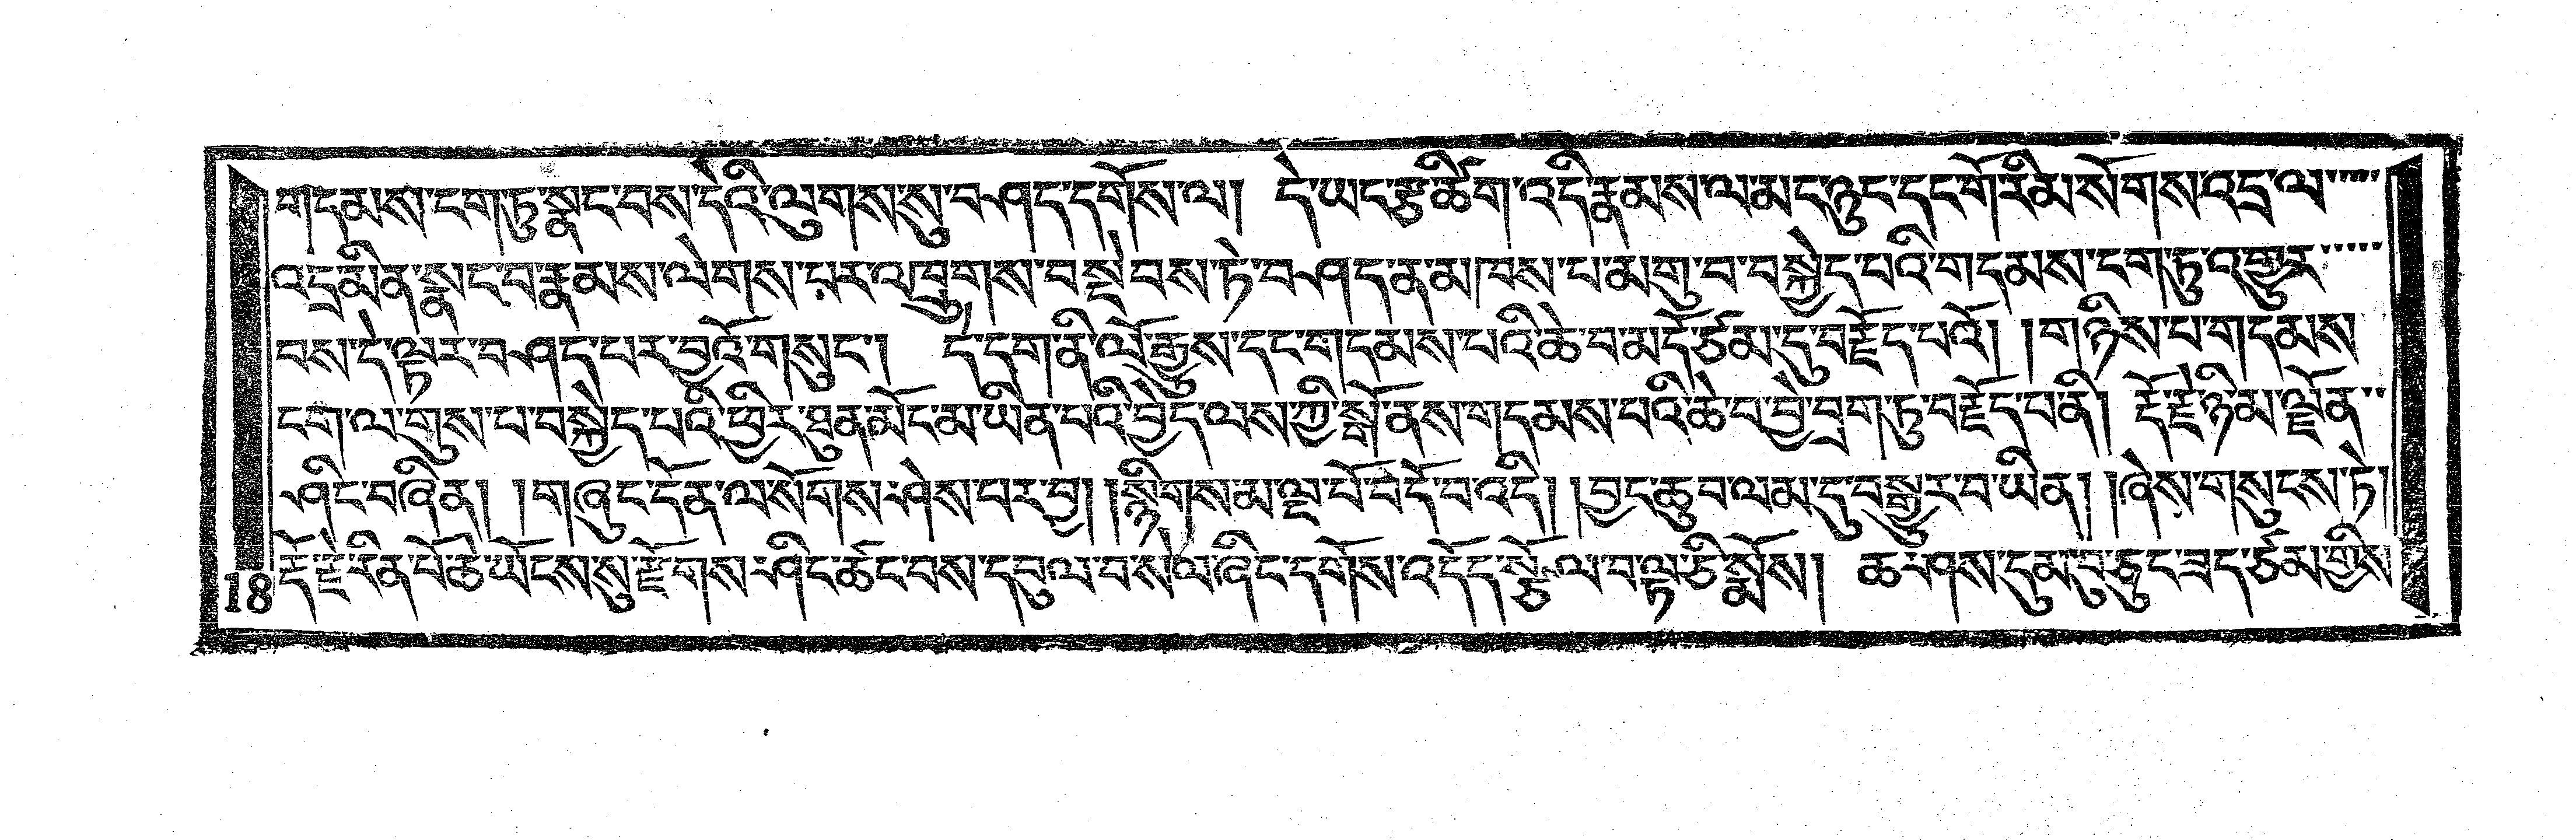གདམས་ངག་ཏུ་སྣང་བས་དེའི་ལུགས་སུ་བཤད་དགོས་ལ། དེ་ཡང་རྩ་ཚིག་འདི་རྣམས་ལ་མང་ཉུང་དང་གོ་རིམ་སོགས་འདྲ་ལ་
འདྲ་མིན་སྣང་བ་རྣམས་ལེགས་པར་འཁྲུགས་བསྡེབས་ཏེ་བཤད་ན་མཁས་པ་མགུ་བ་བསྐྱེད་པའི་གདམས་ངག་ཏུ་འགྱུར་
བས་དེ་ལྟར་བཤད་པར་བྱའོ་གསུང་། དེ་དག་ནི་ལོ་རྒྱུས་དང་གདམས་པའི་ཆེ་བ་མདོ་ཙམ་དུ་བརྗོད་པའོ། །གཉིས་པ་གདམས་
ངག་ལ་གུས་པ་བསྐྱེད་པའི་ཕྱིར་ཐུན་མོང་མ་ཡིན་པའི་བྱེད་ལས་ཀྱི་སྒོ་ནས་གདམས་པའི་ཆེ་བ་བྱེ་བྲག་ཏུ་བརྗོད་པ་ནི། རྡོ་རྗེ་ཉི་མ་ལྗོན་
ཤིང་བཞིན། །གཞུང་དོན་ལ་སོགས་ཤེས་པར་བྱ། །སྙིགས་མ་ལྔ་པོ་བདོ་བ་འདི། །བྱང་ཆུབ་ལམ་དུ་བསྒྱུར་བ་ཡིན། །ཞེས་གསུངས་ཏེ།
རྡོ་རྗེ་རིན་པོ་ཆེ་ཡོངས་སུ་རྫོགས་ཤིང་ཚང་བས་དབུལ་བ་སེལ་ཞིང་དགོས་འདོད་སྩོལ་བ་ལྟ་ཅི་སྨོས། ཆ་ཤས་དུམ་བུ་ཅུང་ཟད་ཙམ་གྱིས་